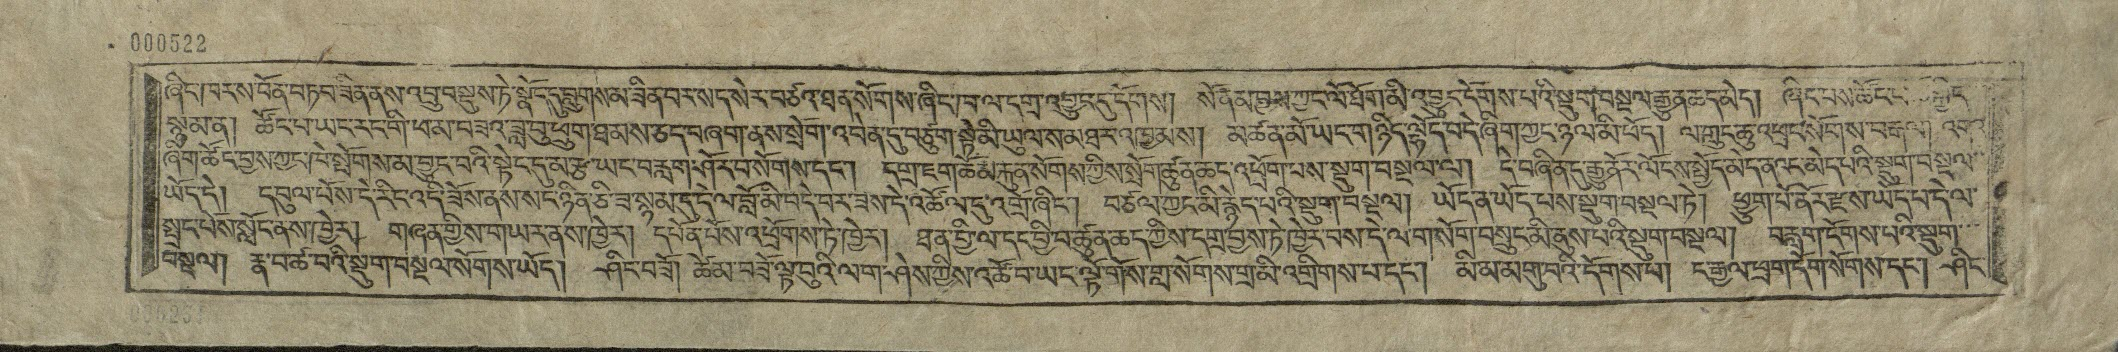ཞིང་ཁར་ས་བོན་བཏབ་ཟིན་ནས་འབྲུ་བསྡུས་ཏེ་སྣོད་དུ་བླུགས་མ་ཟིན་པར་སད་སེར་བཙའ་ཐན་སོགས་ཞིང་ཁ་ལ་དགྲ་འབྱུང་དུ་དོགས། སོ་ནམ་བྱས་ཀྱང་ལོ་ཐོག་མི་འབྱུང་དོགས་པའི་སྡུག་བསྔལ་རྒྱུན་ཆད་མེད། ཞིང་པས་ཚོང་པ་ཚོ་སྐྱིད་
སྙམ་ན། ཚོང་པ་ཡང་རང་གི་ཕ་མ་བཟའ་ཟླ་བུ་ཕྲུག་ཐམས་ཅད་བཞག་ནས་སྲོག་འབེན་དུ་བཙུག་སྟེ་མི་ཡུལ་ས་མཐར་འཁྱམས། མཚན་མོ་ཡང་གཉིད་ལྷོད་བདེ་ཞིག་ཀྱང་ཉལ་མི་ཕོད། ལ་ཀླུང་ཆུ་འཕྲང་སོགས་བརྒལ། འགའ་
ཞིག་ཚོང་བྱས་ཀྱང་ཁེ་སྤོགས་མ་བྱུང་བའི་སྟེང་དུ་མ་རྩ་ཡང་བརླག་ཤོར་བ་སོགས་དང་། དགྲ་ཇག་ཆོམ་རྐུན་སོགས་ཀྱིས་སྲོག་ཚུན་ཆད་འཕྲོག་པས་སྡུག་བསྔལ་ལ། དེ་བཞིན་དུ་རྒྱུ་ནོར་ལོངས་སྤྱོད་མེད་ནའང་མེད་པའི་སྡུག་བསྔལ་
ཡོད་དེ། དབུལ་པོས་དེ་རིང་འདི་ཟོས་ནས་སང་ཉིན་ཅི་ཟ་སྙམ་དུ་དེ་ལ་བློ་མི་བདེ་བར་ཟས་དེ་འཚོལ་དུ་འགྲོ་ཞིང་། བཙལ་ཀྱང་མི་རྙེད་པའི་སྡུག་བསྔལ། ཡོད་ན་ཡོད་པས་སྡུག་བསྔལ་ཏེ། ཕྱུག་པོ་ནོར་རྫས་ཡོད་པ་དེ་ལ་
སྤྲང་པོས་སློང་ནས་ཁྱེར། གཞན་གྱིས་གཡར་ནས་ཁྱེར། དཔོན་པོས་འཕྲོགས་ཏེ་ཁྱེར། ཐ་ན་བྱི་ལ་དང་བྱི་བ་ཚུན་ཆད་ཀྱིས་དགྲ་བྱས་ཏེ་ཁྱེར་བས་དེ་ལ་གསོག་བསྲུང་མི་ནུས་པའི་སྡུག་བསྔལ། བརླག་དོགས་པའི་སྡུག་
བསྔལ། རྣ་བ་ཚ་བའི་སྡུག་བསྔལ་སོགས་ཡོད། ཤིང་བཟོ། ཚེམ་བཟོ་ལྟ་བུའི་ལག་ཤེས་ཀྱིས་འཚོ་བ་ཡང་ལྟོ་གོས་གླ་སོགས་གྲ་མི་འགྲིགས་པ་དང་། མི་མ་མགུ་བའི་དོགས་པ། ང་རྒྱལ་ཕྲག་དོག་སོགས་དང་། ཤིང་